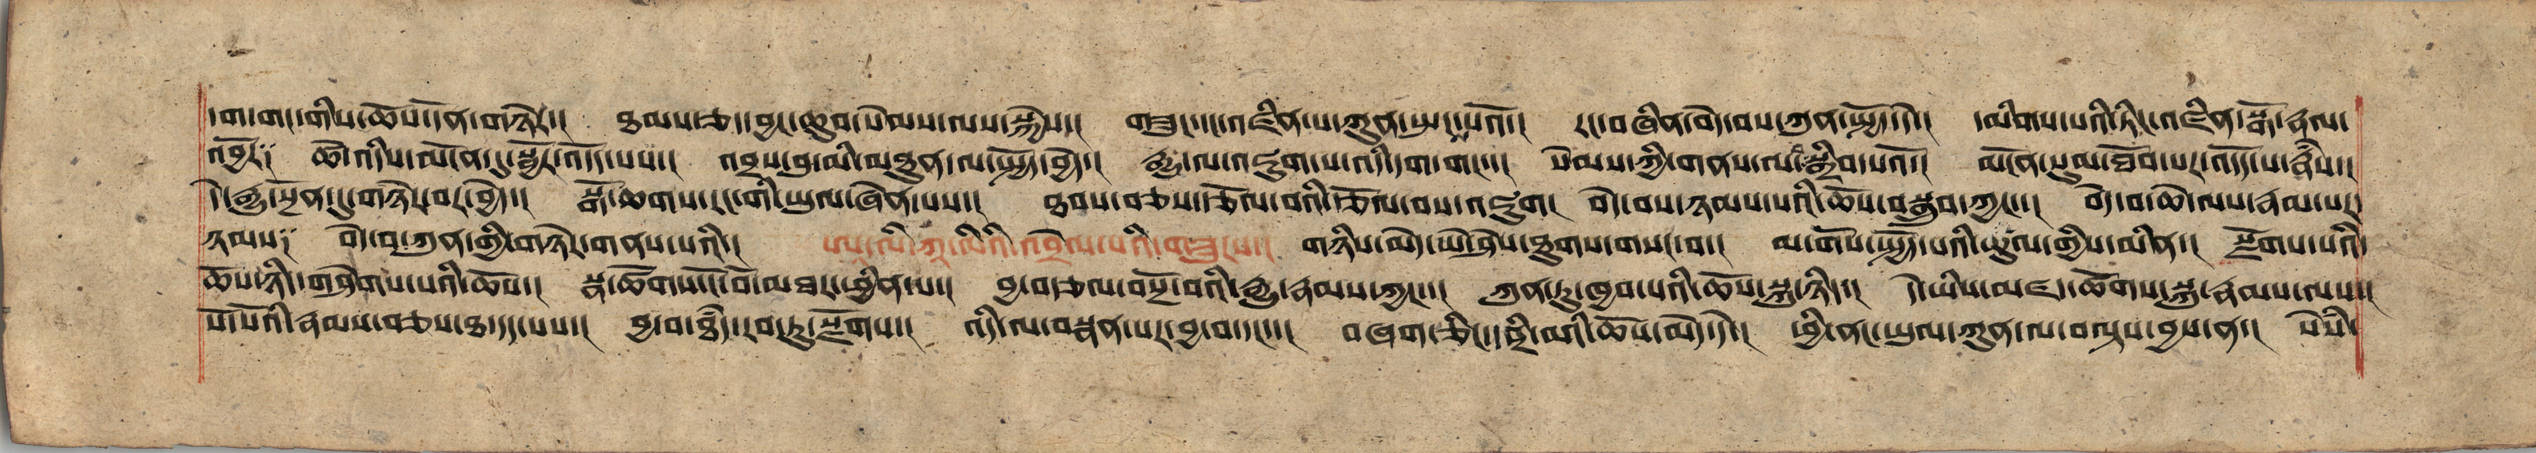དག་གང་གིས་ཆོས་དོན་གཉེར་། ཐམས་ཅད་བྱང་ཆུབ་སེམས་ལས་སྐྱེས་། གཟུང་དང་འཛིན་པ་ཀུན་སྤངས་པའོ་། རང་བཞིན་བདེ་བས་ཀུན་སྤྱོད་དེ་། དམིགས་པའི་ཏིང་འཛིན་སྒོ་རྣལ
འབྱོར༑ ཚེ་འདིས་མངོན་དུ་སྦྱོར་འདོད་པས་། འབྲས་བུ་མི་མཐུན་ལ་སྤྱོད་བྱེད་། རྒྱུ་ལ་འཇུག་པ་འདི་དག་གང་། སེམས་ཀྱི་གནས་ལ་སྒྲིབ་པའོ་། མངོན་སུམ་ཐོབ་པར་འདོད་པ་རྣཾས་།
དེ་རྒྱུ་སྔོན་དུ་གཉེར་བར་བྱེད་། སྒོ་ཆགས་རང་གི་ཡུལ་ཞེན་པས་། ཐབས་བཅས་རྩོལ་བའི་རྩོལ་བས་འཇུག། བདེ་བས་ཉམས་པའི་ཆོས་བསྒྲུབ་ཀྱང་་། བདེ་བ་ཆེ་ལས་རྣམ་པར་
ཉམས༑ བདེ་བ་ཀུན་གྱི་གཉེར་གནས་པའི་། ཨཱ་ལི་ཀཱ་ལིའི་འབྲེལ་པའི་གཟུངས་། གཉིས་མེད་ཡེ་ཤེས་ཐུགས་གསང་བ་། མ་གོས་སྤྱོད་པའི་ཚུལ་གྱིས་མིན་། སྫོགས་པའི་
ཆོས་ཉིད་གཤེགས་པའི་ཆོས་། སྣ་ཚོགས་ངོ་བོ་མཐར་ཕྱིན་ལ་། བྱ་བརྩལ་བསྔོ་བའི་རྒྱུ་རྣམས་ཀྱང་་། ཀུན་ཏུ་ཁྱབ་པའི་ཆོས་སྐུ་ཉིད་། དེ་ཡིས་མཛད་ཚོགས་སྐུ་རྣམས་ལས་།
སོ་སོའི་རྣམས་བཅས་ཐ་དད་པས་་། བྱ་བ་ཐཾད་རབ་ཏུ་སྫོགས་། འདི་ལ་བསྣན་པར་བྱ་བ་དང་། བཞག་ཅིང་བྲི་བའི་ཆོས་མེད་དེ་། ཕྱི་ནང་ཡུལ་ཀུན་ལ་བལྟས་བྱས་ན་། སེཾས་